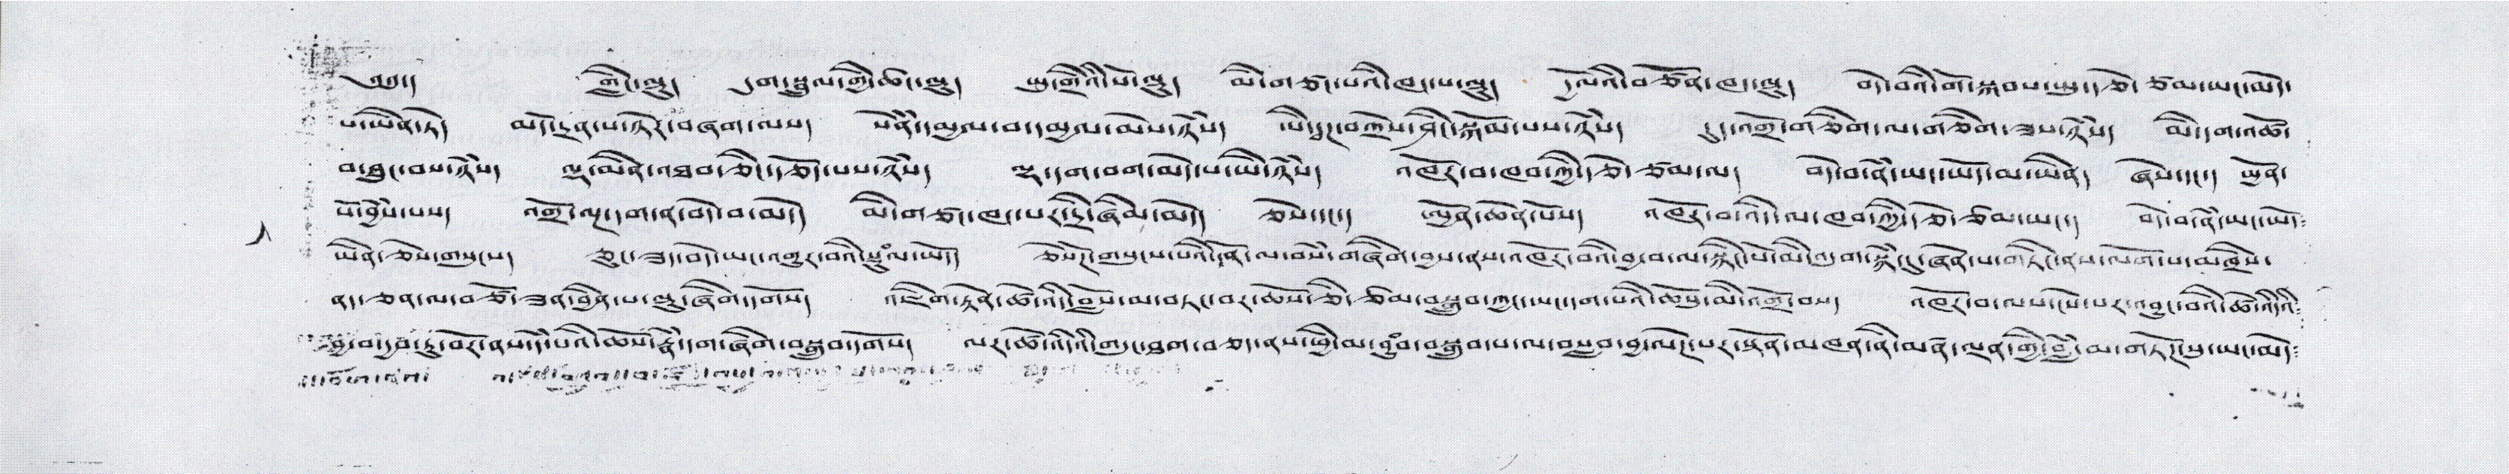གླིང་ལྟ་བུ། དུག་སྦྲུལ་གྱི་ཚང་ལྟ་བུ། སྤུ་གྲིའི་སོ་ལྟ་བུ། མི་གཙང་བའི་ཁང་པ་ལྟ་བུ། རྒྱལ་པོའི་བཙོན་ཁང་ལྟ་བུ། བདེ་བའི་གོ་སྐབས་སྤུ་རྩེ་ཙམ་ཡང་མེད་
པ་ཡིན་ཏེ། མདོ་དྲན་པ་ཉེར་གཞག་ལས། སེམས་ཅན་དམྱལ་བ་དམྱལ་མེས་ཉམས། །ཡི་དྭགས་བཀྲེས་ཤིང་སྐོམ་པས་ཉམས། །དུད་འགྲོ་གཅིག་ལ་གཅིག་ཟས་ཉམས། །མི་དག་འཚོ་
བ་ཐུང་བས་ཉམས། །ལྷ་མིན་འཐབ་ཅིང་རྕོད་པས་ཉམས། །ལྷ་དག་བག་མེད་པ་ཡིས་ཉམས། །འཁོར་བ་ཁབ་ཀྱི་རྩེ་ཙམ་ལ། །བདེ་བ་ནམ་ཡང་ཡོད་མ་ཡིན། །ཞེས་དང་། མགོན་
པོ་བྱམས་པས། འགྲོ་ལྔ་དག་ན་བདེ་བ་མེད། མི་གཙང་ཁང་པར་དྲི་ཞིམ་མེད། །ཅེས་དང་། ཨོ་རྒྱན་ཆེན་པོས། འཁོར་བ་འདི་ལ་ཁབ་ཀྱི་རྩེ་ཙམ་ཡང་། །བདེ་བ་ནམ་ཡང་ཡོད་མ་
ཡིན། །ཅེས་གསུངས། ཅུང་ཟད་བདེ་ཡང་འགྱུར་བའི་སྡུག་བསྔལ་ཡོད། །ཅེས་སོགས་གསུངས་པའི་དོན་ལ་བསམ་གཞིགས་བྱས་ནས་འཁོར་བའི་བྱ་བ་ལ་སྙིང་པོ་མི་འདུག་སྙམ་དུ་ཞེན་པ་གཏིང་ནས་ལོག་པ་འཁྲིས་
ནད་ཅན་ལ་བཙོ་ཟན་བྱིན་པ་ལྟ་བུ་ཞིག་དགོས། འཇིག་རྟེན་ཚེ་འདི་བློས་མ་བཏང་བར་ཆོས་ཇི་ཙམ་བསྒྲུབ་ཀྱང་ཡང་དག་པའི་ཆོས་སུ་མི་འགྲོ་བས། འཁོར་བ་ལས་ངེས་པར་འབྱུང་བའི་ཚེ་འདིའི་
བྱ་བ་རྒྱབ་ཏུ་བོར་ནས་དམ་པའི་ཆོས་རྣམ་དག་ཅིག་བསྒྲུབ་དགོས། ལར་ཚེ་འདིའི་གདུང་ཐག་བཅད་ནས་ཕྱི་མ་བྱང་ཆུབ་བསྒྲུབ་པ་ལ་བསླབ་བྱ་ལེགས་པར་སྟོན་མཁན་ནི་མཚན་ལྡན་གྱི་བླ་མ་མ་གཏོགས་སུ་ཡང་མེད་